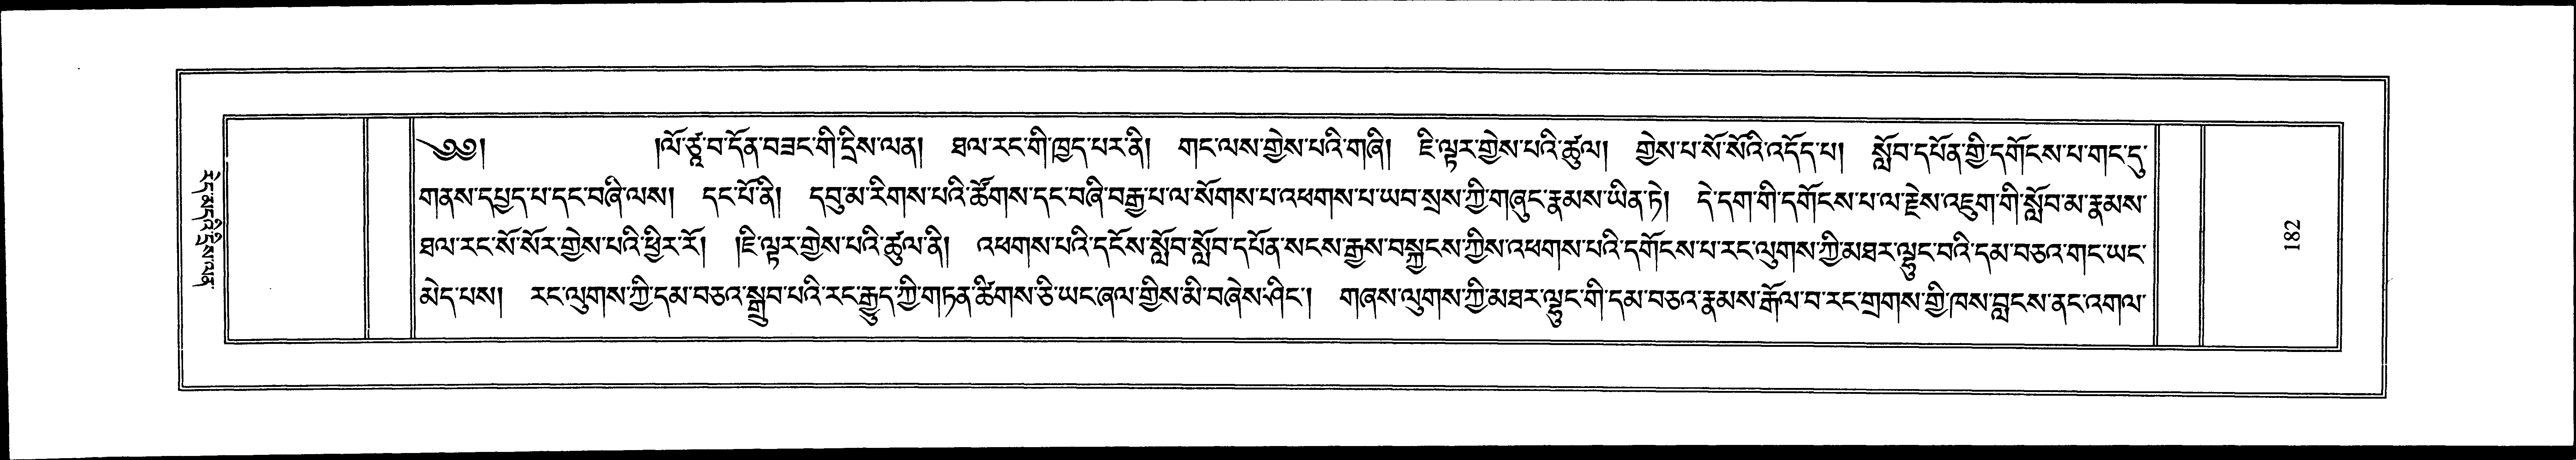༄༅། །ལོ་ཙཱ་བ་དོན་བཟང་གི་དྲིས་ལན། ཐལ་རང་གི་ཁྱད་པར་ནི། གང་ལས་གྱེས་པའི་གཞི། ཇི་ལྟར་གྱེས་པའི་ཚུལ། གྱེས་པ་སོ་སོའི་འདོད་པ། སློབ་དཔོན་གྱི་དགོངས་པ་གང་དུ་
གནས་དཔྱད་པ་དང་བཞི་ལས། དང་པོ་ནི། དབུ་མ་རིགས་པའི་ཚོགས་དང་བཞི་བརྒྱ་པ་ལ་སོགས་པ་འཕགས་པ་ཡབ་སྲས་ཀྱི་གཞུང་རྣམས་ཡིན་ཏེ། དེ་དག་གི་དགོངས་པ་ལ་རྗེས་འཇུག་གི་སློབ་མ་རྣམས་
ཐལ་རང་སོ་སོར་གྱེས་པའི་ཕྱིར་རོ། །ཇི་ལྟར་གྱེས་པའི་ཚུལ་ནི། འཕགས་པའི་དངོས་སློབ་སློབ་དཔོན་སངས་རྒྱས་བསྐྱངས་ཀྱིས་འཕགས་པའི་དགོངས་པ་རང་ལུགས་ཀྱི་མཐར་ལྷུང་བའི་དམ་བཅའ་གང་ཡང་
མེད་པས། རང་ལུགས་ཀྱི་དམ་བཅའ་སྒྲུབ་པའི་རང་རྒྱུད་ཀྱི་གཏན་ཚིགས་ཅི་ཡང་ཞལ་གྱིས་མི་བཞེས་ཤིང་། གཞས་ལུགས་ཀྱི་མཐར་ལྷུང་གི་དམ་བཅའ་རྣམས་རྒོལ་བ་རང་གྲགས་གྱི་ཁས་བླངས་ནང་འགལ་